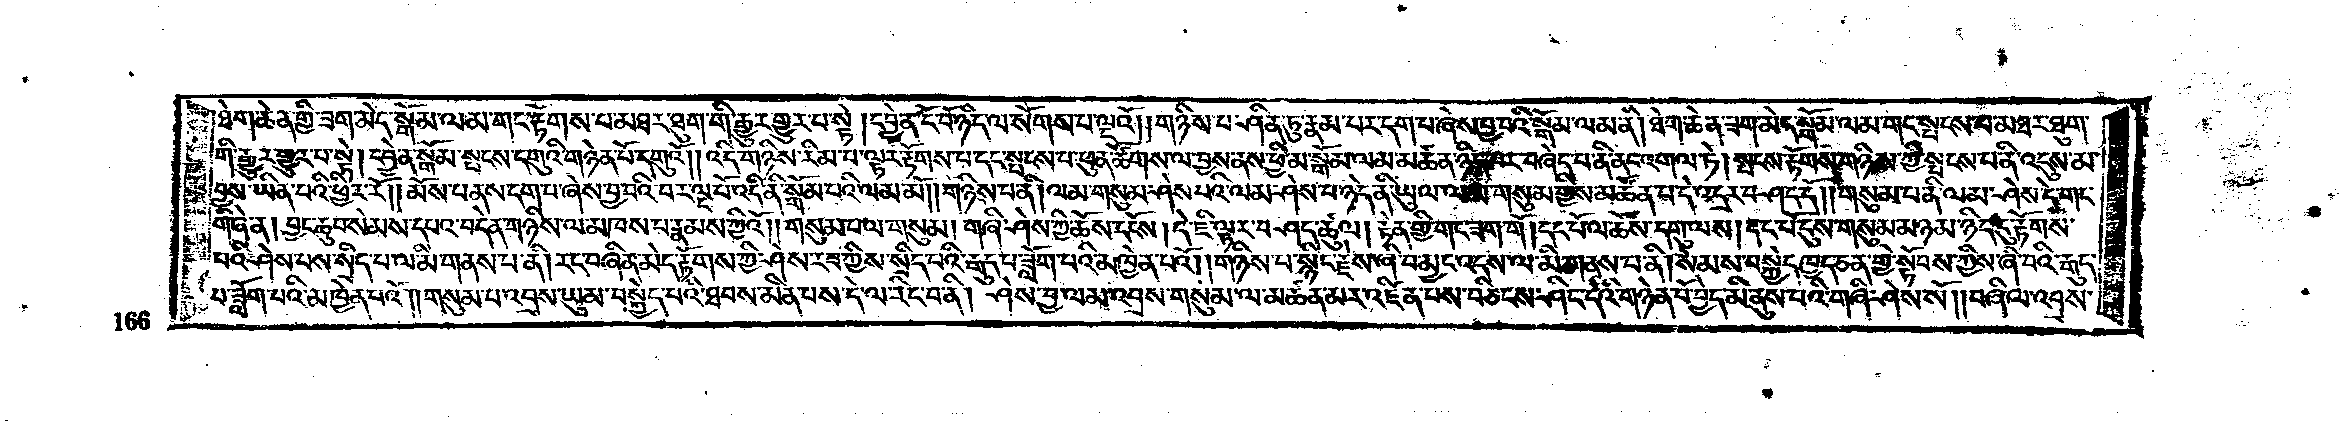ཐེག་ཆེན་གྱི་ཟག་མེད་སྒོམ་ལམ་གང་རྟོགས་པ་མཐར་ཐུག་གི་རྒྱུར་གྱུར་པ་སྟེ། དབྱེ་ན་ངོ་བོ་ཉིད་ལ་སོགས་པ་ལྔའོ། །གཉིས་པ་ཤིན་ཏུ་རྣམ་པར་དག་པ་ཞེས་བྱ་བའི་སྒོམ་ལམ་ནི། ཐེག་ཆེན་ཟག་མེད་སྒོམ་ལམ་གང་སྤངས་པ་མཐར་ཐུག་
གི་རྒྱུར་གྱུར་པ་སྟེ། དབྱེ་ན་སྒོམ་སྤངས་དགུའི་གཉེན་པོ་དགུའོ། །འདི་གཉིས་རིམ་པ་ལྟར་རྟོགས་པ་དང་སྤངས་པ་ཕུན་ཚོགས་ལ་བྱས་ནས་ཕྱི་མ་སྒོམ་ལམ་མཚན་ཉིད་པར་བཞེད་པ་ནི་ནང་འགལ་ཏེ། སྤངས་རྟོགས་གཉིས་ཀྱི་སྤངས་པ་ནི་འདུས་མ་
བྱས་ཡིན་པའི་ཕྱིར་རོ། །མོས་པ་ནས་དག་པ་ཞེས་བྱ་བའི་བར་ལྔ་པོ་འདི་ནི་སྒོམ་པའི་ལམ་མོ། །གཉིས་པ་ནི། ལམ་གསུམ་ཤེས་པའི་ལམ་ཤེས་པ་ཉིད་ནི་ཡུལ་ལམ་གསུམ་གྱིས་མཚོན་པ་དེ་འདྲར་བཤད་དོ། །གསུམ་པ་ནི་ལམ་ཤེས་དེ་གང་
གི་ཞེ་ན། བྱང་ཆུབ་སེམས་དཔའ་བདེན་གཉིས་ལ་མཁས་པ་རྣམས་ཀྱིའོ། །གསུམ་པ་ལ་གསུམ། གཞི་ཤེས་ཀྱི་ཆོས་དངོས། དེ་ཇི་ལྟར་བཤད་ཚུལ། རྟེན་གྱི་གང་ཟག་གོ །དང་པོ་ལ་ཆོས་དགུ་ལས། དང་པོ་དུས་གསུམ་མཉམ་ཉིད་དུ་རྟོགས་
པའི་ཤེས་པས་སྲིད་པ་ལ་མི་གནས་པ་ནི། རང་བཞིན་མེད་རྟོགས་ཀྱི་ཤེས་རབ་ཀྱིས་སྲིད་པའི་རྒུད་པ་ཟོག་པའི་མཁྱེན་པའོ། །གཉིས་པ་སྙིང་རྗེས་ཞི་བ་མྱང་འདས་ལ་མི་གནས་པ་ནི། སེམས་བསྐྱེད་ཁྱད་ཅན་གྱི་སྟོབས་ཀྱིས་ཞི་བའི་རྒུད་
པ་ཟློག་པའི་མཁྱེན་པའོ། །གསུམ་པ་འབྲས་ཡུམ་བསྐྱེད་པའི་ཐབས་མིན་པས་དེ་ལ་རིང་བ་ནི། ཤེས་བྱ་ལམ་འབྲས་གསུམ་ལ་མཚན་མར་འཛིན་པས་བཅིངས་ཤིང་དེའི་གཉེན་པོ་བྱེད་མི་ནུས་པའི་གཞི་ཤེས་སོ། །བཞི་པ་འབྲས་